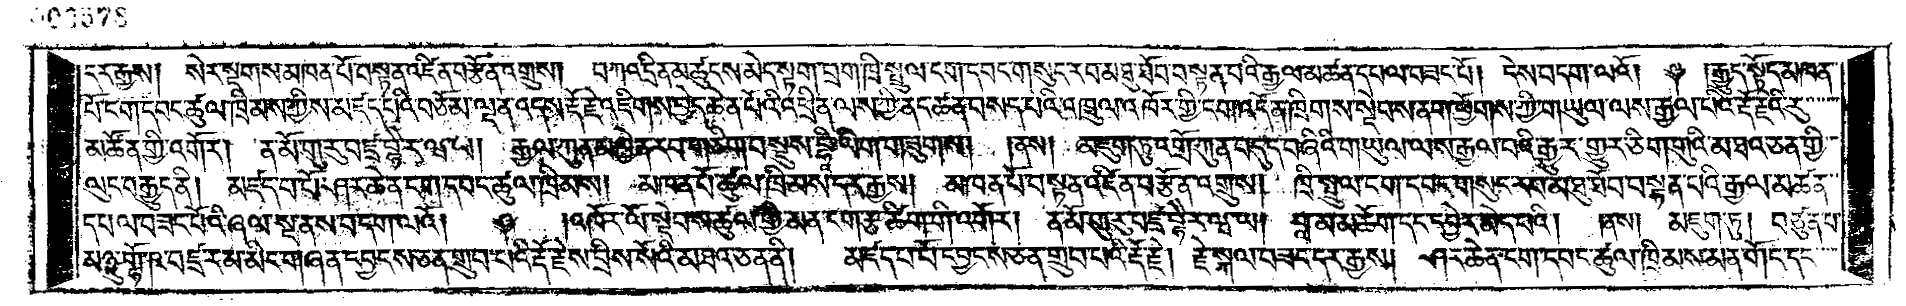དར་རྒྱས། སེར་སྔགས་མཁན་པོ་བསྟན་འཛིན་བརྩོན་འགྲུས། བཀའ་དྲིན་མཚུངས་མེད་སྟག་བྲག་ཁྲི་སྤྲུལ་ངག་དབང་གསུང་རབ་མཐུ་ཐོབ་བསྟན་པའི་རྒྱ་མཚན་དཔལ་བཟང་པོ། དེས་བདག་ལའོ། ༈ །རྒྱུད་སྟོད་མཁན་
པོ་ངག་དབང་ཚུལ་ཁྲིམས་ཀྱིས་མཛད་པའི་བཅོམ་ལྡན་འདས་རྡོ་རྗེ་འཇིགས་བྱེད་ཆེན་པོའི་འཕྲིན་ལས་ཀྱི་ནང་ཚན་བསད་པའི་འཁྲུལ་འཁོར་གྱི་ངག་འདོན་ཁྲིགས་སྡེབས་ནག་ཕྱོགས་ཀྱི་གཡུལ་ལས་རྒྱལ་བའི་རྡོ་རྗེའི་རུ་
མཚན་གྱི་འགོར། ན་མོ་གུ་རུ་བཛྲ་བྷཻ་ར་ཝ་ཡ། རྒྱལ་ཀུན་མཁྱེན་རབ་གཅིག་བསྡུས་དྷཱིཿཡིག་གཟུགས། །ནས།  མཇུག་ཏུ་འགྲོ་ཀུན་བདུད་བཞིའི་གཡུལ་ལས་རྒྱལ་བའི་རྒྱུར་གྱུར་ཅིག་གུའི་མཐའ་ཅན་གྱི་
ལུང་བརྒྱུད་ནི། མཛད་པ་པོ་ཤར་ཆེན་ངག་དབང་ཚུལ་ཁྲིམས། མཁན་པོ་ཚུལ་ཁྲིམས་དར་རྒྱས། མཁན་པོ་བསྟན་འཛིན་བརྩོན་འགྲུས། ཁྲི་སྤྲུལ་ངག་དབང་གསུང་རབ་མཐུ་ཐོབ་བསྟན་པའི་རྒྱ་མཚན་
དཔལ་བཟང་པོའི་ཞལ་སྔ་ནས་བདག་ལའོ། ༈ །འཁོར་ལོ་སྡེབས་ཚུལ་གྱི་མན་ངག་རྩ་ཚིག་གི་འགོར། ན་མོ་གུ་རུ་བཛྲ་བྷཻ་ར་ཝ་ཡ། བླ་མ་མཆོག་དང་དབྱེར་མེད་པའི། །ནས།  མཇུག་ཏུ། བཙུན་པ་
མཉྫུ་གྷོ་ཥ་བཛྲ་རམ་མིང་གཞན་དབྱངས་ཅན་གྲུབ་པའི་རྡོ་རྗེས་བྲིས་སོའི་མཐའ་ཅན་ནི། མཛད་པ་པོ་དབྱངས་ཅན་གྲུབ་པའི་རྡོ་རྗེ། རྗེ་སྐལ་བཟང་དར་རྒྱས། ཤར་ཆེན་ངག་དབང་ཚུལ་ཁྲིམས་མན་གོང་དང་